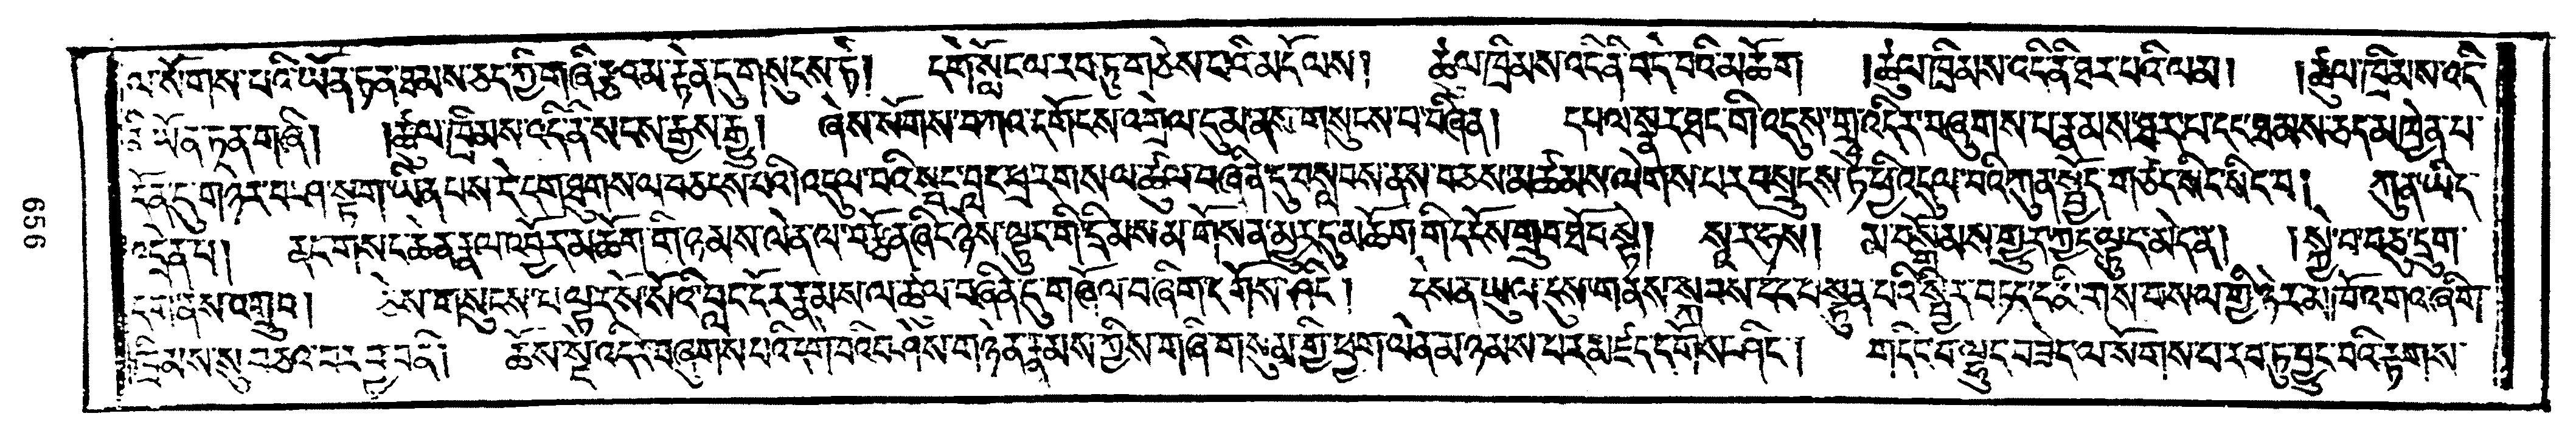ལ་སོགས་པའི་ཡོན་ཏན་ཐམས་ཅད་ཀྱི་གཞི་རྩའམ་རྟེན་དུ་གསུངས་ཏེ། དགེ་སློང་ལ་རབ་ཏུ་གཅེས་པའི་མདོ་ལས། ཚུལ་ཁྲིམས་འདི་ནི་བདེ་བའི་མཆོག །ཚུལ་ཁྲིམས་འདི་ནི་ཐར་པའི་ལམ། །ཚུལ་ཁྲིམས་འདི་
ནི་ཡོན་ཏན་གཞི། །ཚུལ་ཁྲིམས་འདི་ནི་སངས་རྒྱས་རྒྱུ། ཞེས་སོགས་བཀའ་དགོངས་འགྲེལ་དུ་མ་ནས་གསུངས་པ་བཞིན། །དཔལ་སྣར་ཐང་གི་འདུས་གྲྭ་འདིར་བཞུགས་པ་རྣམས་ཐར་པ་དང་ཐམས་ཅད་མཁྱེན་པ་
དོན་དུ་གཉེར་བ་ཤ་སྟག་ཡིན་པས་དེ་དག་ཐུགས་ལ་བཅངས་པའི་འདུལ་བའི་སྤང་བླང་ཕྲ་རགས་ལ་ཚུལ་བཞིན་དུ་བསླབས་ནས་བཅས་མཚམས་ལེགས་པར་བསྲུངས་ཏེ་ཕྱི་འདུལ་བའི་ཀུན་སྤྱོད་གཙང་སིང་སིང་བ། ཀུན་ཡིད་
འདྲེན་པ། ནང་གསང་ཆེན་རྣལ་འབྱོར་མཆོག་གི་ཉམས་ལེན་ལ་བརྩོན་ཞིང་ཉེས་ལྟུང་གི་དྲི་མས་མ་གོས་ན་མྱུར་དུ་མཆོག་གི་དངོས་གྲུབ་ཐོབ་སྟེ། སཱ་ར་ཧས། མ་བསྒོམས་གྱུར་ཀྱང་ལྟུད་མེད་ན། །སྐྱེ་བ་བཅུ་དྲུག་
དག་ནས་འགྲུབ། ཅེས་གསུངས་པ་ལྟར་སོ་སོའི་བླང་དོར་རྣམས་ལ་ཚུལ་བཞིན་དུ་གཞོལ་བ་ཞིག་དགོས་ཤིང་། དེས་ན་ཡུལ་དུས་གནས་སྐབས་དང་བསྟུན་པའི་སྤྱིར་བཏང་དམིགས་བསལ་གྱི་ཉེར་མཁོ་འགའ་ཞིག་
ཁྲིམས་སུ་བཅའ་བར་བྱ་བ་ནི། ཆོས་སྡེ་འདིར་བཞུགས་པའི་དགེ་བའི་བཤེས་གཉེན་རྣམས་ཀྱིས་གཞི་གསུམ་གྱི་ཕྱག་ལེན་མ་ཉམས་པར་མཛད་དགོས་ཤིང་། གདིང་བ་ལྷུང་བཟེད་ལ་སོགས་པ་རབ་ཏུ་བྱུང་བའི་རྟགས་